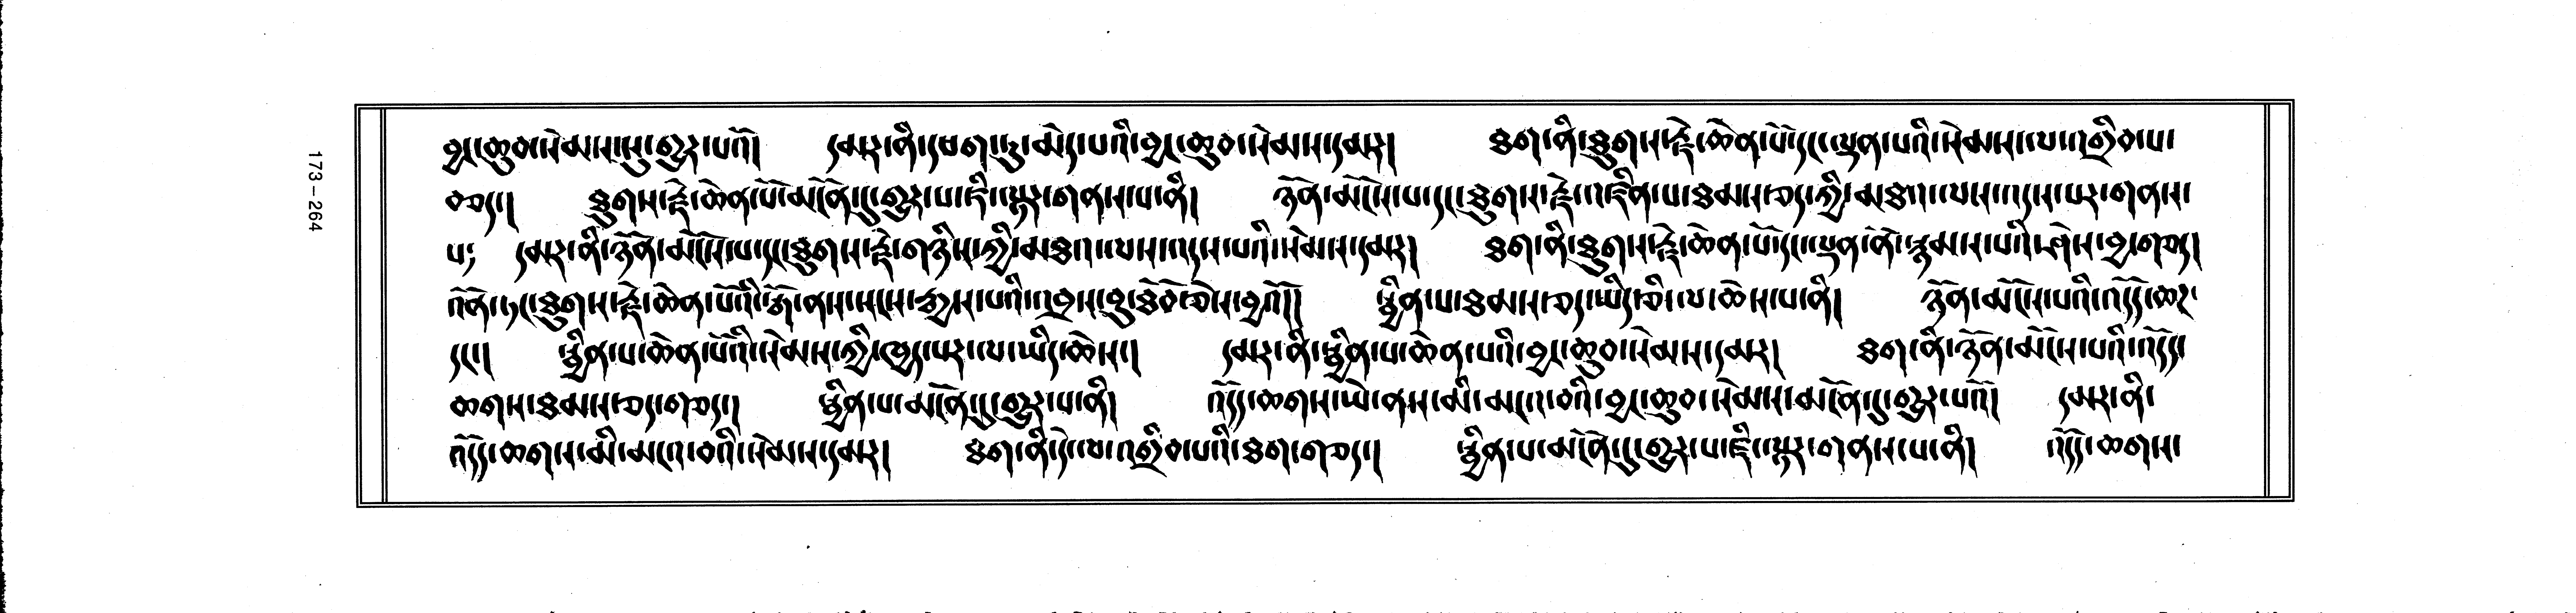བྱང་ཆུབ་སེམས་དཔའ་ཆེན་པོའོ། །དམར་ནི་དཔག་ཏུ་མེད་པའི་བྱང་ཆུབ་ཀྱི་སེམས་དམར། ཐག་ནི་ཐུགས་རྗེ་ཆེན་པོ་དང་ལྡན་པའི་སེམས་ལ་འགྲིབ་པ་
གཅད། ཐུགས་རྗེ་ཆེན་པོ་མངོན་དུ་གྱུར་པ་ཇི་ལྟར་གནས་པ་ནི། ཉོན་མོངས་པ་དང་ཐུགས་རྗེ་འཛིན་པ་ཐམས་ཅད་ཀྱི་མཐའ་ལས་འདས་པར་གནས་
པ། དམར་ནི་ཉོན་མོངས་པ་དང་ཐུགས་རྗེ་གཉིས་ཀྱི་མཐའ་ལས་འདས་པའི་སེམས་དམར། ཐག་ནི་ཐུགས་རྗེ་ཆེན་པོ་དང་ལྡན་ནོ་སྙམ་པའི་ཤེས་བྱ་གཅད། 
འོན་ཏང་ཐུགས་རྗེ་ཆེན་པོའི་སྒོ་ནས་སངས་རྒྱས་པའི་འབྲས་བུ་ཐོབ་ཅེས་བྱའོ། །སྦྱིན་པ་ཐམས་ཅད་ཡིད་ཅི་ལ་ཆེས་པ་ནི། ཉོན་མོངས་པའི་འདོད་ཆགས་
དང་། སྦྱིན་པ་ཆེན་པོའི་སེམས་ཀྱི་ཁྱད་པར་ལ་ཡིད་ཆེས། དམར་ནི་སྦྱིན་པ་ཆེན་པོའི་བྱང་ཆུབ་ཀྱི་སེམས་དམར། ཐག་ནི་ཉོན་མོངས་པའི་འདོད་
ཆགས་ཐམས་ཅད་གཅད། སྦྱིན་པ་མངོན་དུ་གྱུར་པ་ནི། འདོད་ཆགས་ཡེ་ནས་མི་མངའ་བའི་བྱང་ཆུབ་སེམས་མངོན་དུ་གྱུར་པའོ། །དམར་ནི་
འདོད་ཆགས་མི་མངའ་བའི་སེམས་དམར། ཐག་ནི་དེ་ལ་འགྲིབ་པའི་ཐག་གཅད། སྦྱིན་པ་མངོན་དུ་གྱུར་པ་ཇི་ལྟར་གནས་པ་ནི། འདོད་ཆགས་